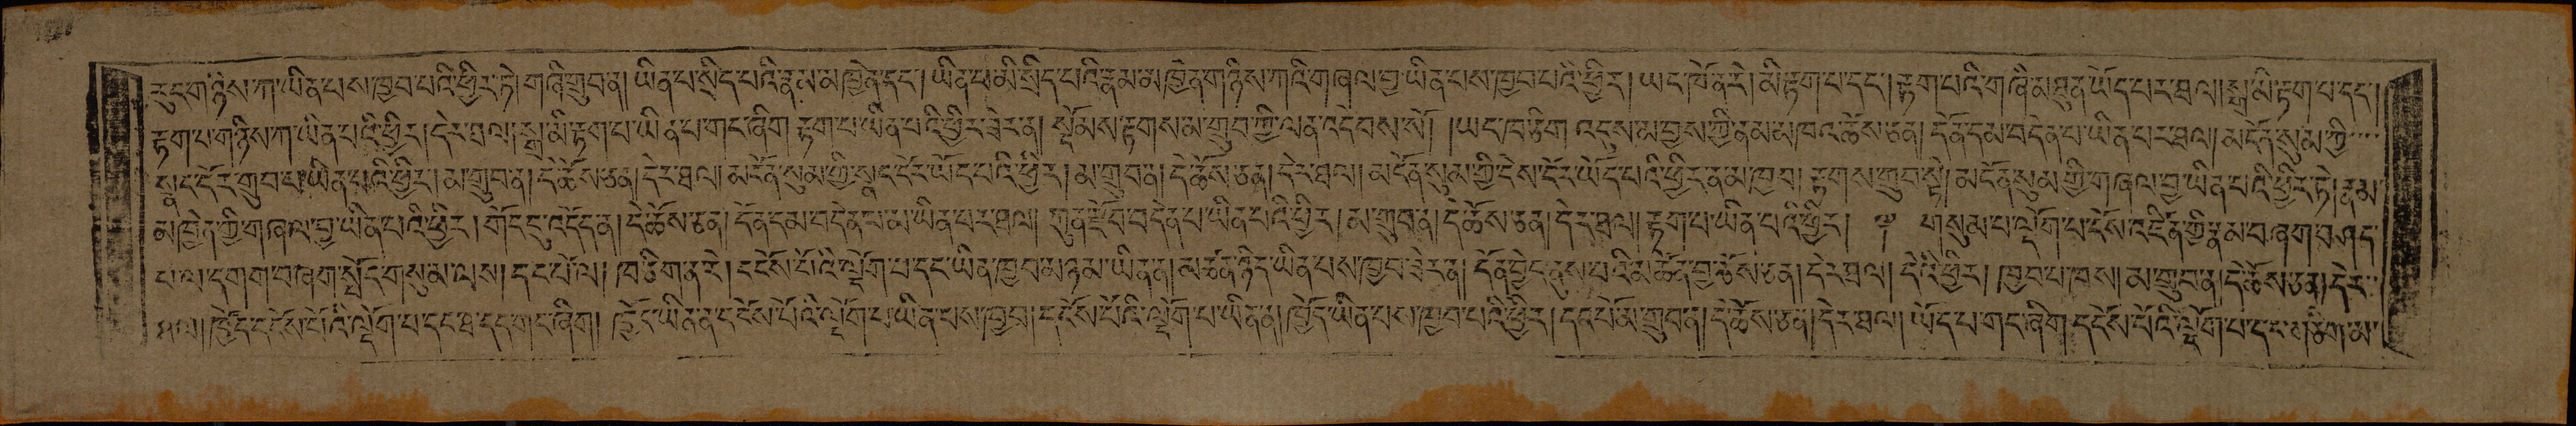རུང་གཉིས་ཀ་ཡིན་པས་ཁྱབ་པའི་ཕྱིར་ཏེ། གཞི་གྲུབ་ན། ཡིན་པ་སྲིད་པའི་རྣམ་མཁྱེན་དང་། ཡིན་པ་མི་སྲིད་པའི་རྣམ་མཁྱེན་གཉིས་ཀའི་གཞལ་བྱ་ཡིན་པས་ཁྱབ་པའི་ཕྱིར། ཡང་ཁོ་ན་རེ། མི་རྟག་པ་དང་། རྟག་པའི་གཞི་མཐུན་ཡོད་པར་ཐལ། སྒྲ་མི་རྟག་པ་དང་།
རྟག་པ་གཉིས་ཀ་ཡིན་པའི་ཕྱིར། དེར་ཐལ། སྒྲ་མི་རྟག་པ་ཡིན་པ་གང་ཞིག་རྟག་པ་ཡིན་པའི་ཕྱིར་ཟེར་ན། སྡོམས་རྟགས་མ་གྲུབ་ཀྱི་ལན་འདེབས་སོ། །ཡང་ཁ་ཅིག་འདུས་མ་བྱས་ཀྱི་ནམ་མཁའ་ཆོས་ཅན། དོན་དམ་བདེན་པ་ཡིན་པར་ཐལ། མངོན་སུམ་གྱི་
སྣང་ངོར་གྲུབ་པ་ཡིན་པའི་ཕྱིར། མ་གྲུབ་ན། དེ་ཆོས་ཅན། དེར་ཐལ། མངོན་སུམ་གྱི་སྣང་ངོར་ཡོད་པའི་ཕྱིར། མ་གྲུབ་ན། དེ་ཆོས་ཅན། དེར་ཐལ། མངོན་སུམ་གྱི་ངེས་ངོར་ཡོད་པའི་ཕྱིར་ན་མ་ཁྱབ། རྟགས་གྲུབ་སྟེ། མངོན་སུམ་གྱི་གཞལ་བྱ་ཡིན་པའི་ཕྱིར་ཏེ། རྣམ་
མཁྱེན་གྱི་གཞལ་བྱ་ཡིན་པའི་ཕྱིར། གོང་དུ་འདོད་ན། དེ་ཆོས་ཅན། དོན་དམ་བདེན་པ་མ་ཡིན་པར་ཐལ། ཀུན་རྫོབ་བདེན་པ་ཡིན་པའི་ཕྱིར། མ་གྲུབ་ན། དེ་ཆོས་ཅན། དེར་ཐལ། རྟག་པ་ཡིན་པའི་ཕྱིར། ༈ གསུམ་པ་ལྡོག་པ་ངོས་འཛིན་གྱི་རྣམ་བཞག་བཤད་
པ་ལ་དགག་བཞག་སྤོང་གསུམ་ལས། དང་པོ་ལ། ཁ་ཅིག་ན་རེ། དངོས་པོའི་ལྡོག་པ་དང་ཡིན་ཁྱབ་མཉམ་ཡིན་ན། མཚན་ཉིད་ཡིན་པས་ཁྱབ་ཟེར་ན། དོན་བྱེད་ནུས་པའི་མཚོན་བྱ་ཆོས་ཅན། དེར་ཐལ། དེའི་ཕྱིར། ཁྱབ་པ་ཁས། མ་གྲུབ་ན། དེ་ཆོས་ཅན། དེར་
ཐལ༑ ཁྱོད་དངོས་པོའི་ལྡོག་པ་དང་ཐ་དད་གང་ཞིག །ཁྱོད་ཡིན་ན་དངོས་པོའི་ལྡོག་པ་ཡིན་པས་ཁྱབ། དངོས་པོའི་ལྡོག་པ་ཡིན་ན། ཁྱོད་ཡིན་པས་ཁྱབ་པའི་ཕྱིར། དང་པོ་མ་གྲུབ་ན། དེ་ཆོས་ཅན། དེར་ཐལ། ཡོད་པ་གང་ཞིག །དངོས་པོའི་ལྡོག་པ་དང་གཅིག་མ་